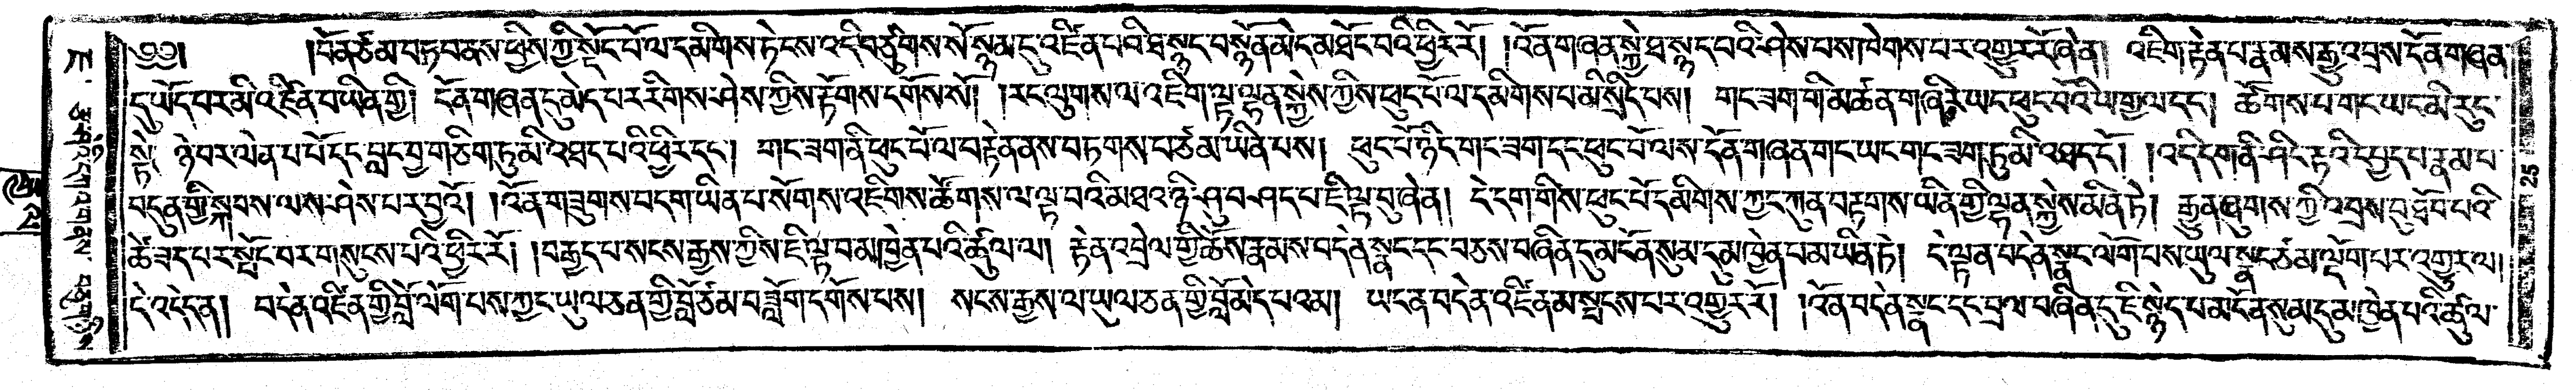༄༅། །བོན་ཙམ་བཏབ་ནས་ཕྱིས་ཀྱི་སྡོང་པོ་ལ་དམིགས་ཏེ་ངས་འདི་བཙུགས་སོ་སྙམ་དུ་འཛིན་པའི་ཐ་སྙད་བསྙོན་མེད་མཐོང་བའི་ཕྱིར་རོ། །འོ་ན་གཞན་སྐྱེ་ཐ་སྙད་པའི་ཤེས་པས་ཁེགས་པར་འགྱུར་རོ་ཞེ་ན། འཇིག་རྟེན་པ་རྣམས་རྒྱུ་འབྲས་དོན་གཞན་
དུ་ཡོད་པར་མི་འཛིན་པ་ཡིན་གྱི། དོན་གཞན་དུ་མེད་པར་རིགས་ཤེས་ཀྱིས་རྟོགས་དགོས་སོ། །རང་ལུགས་ལ་འཇིག་ལྟ་ལྷན་སྐྱེས་ཀྱིས་ཕུང་པོ་ལ་དམིགས་པ་མི་སྲིད་པས། གང་ཟག་གི་མཚན་གཞིར་ཡང་ཕུང་པོའི་ཡ་གྱལ་དང་། ཚོགས་པ་གང་ཡང་མི་རུང་
སྟེ། ཉེ་བར་ལེན་པ་པོ་དང་བླང་བྱ་གཅིག་ཏུ་མི་འཐད་པའི་ཕྱིར་དང་། གང་ཟག་ནི་ཕུང་པོ་ལ་བརྟེན་ནས་བཏགས་པ་ཙམ་ཡིན་པས། ཕུང་པོ་ཉིད་གང་ཟག་དང་ཕུང་པོ་ལས་དོན་གཞན་གང་ཡང་གང་ཟག་ཏུ་མི་འཐད་དོ། །འདི་དག་ནི་ཤིང་རྟའི་དཔྱད་པ་རྣམ་པ་
བདུན་གྱི་སྐབས་ལས་ཤེས་པར་བྱའོ། །འོ་ན་གཟུགས་བདག་ཡིན་པ་སོགས་འཇིགས་ཚོགས་ལ་ལྟ་བའི་མཐའ་ཉི་ཤུ་བཤད་པ་ཇི་ལྟ་བུ་ཞེ་ན། དེ་དག་གིས་ཕུང་པོ་དམིགས་ཀྱང་ཀུན་བརྟགས་ཡིན་གྱི་ལྷན་སྐྱེས་མིན་ཏེ། རྒྱུན་ཞུགས་ཀྱི་འབྲས་བུ་ཐོབ་པའི་
ཚེ་ཟད་པར་སྤོང་བར་གསུངས་པའི་ཕྱིར་རོ། །བརྒྱད་པ་སངས་རྒྱས་ཀྱིས་ཇི་ལྟ་བ་མཁྱེན་པའི་ཚུལ་ལ། རྟེན་འབྲེལ་གྱི་ཆོས་རྣམས་བདེན་སྣང་དང་བཅས་བཞིན་དུ་མངོན་སུམ་དུ་མཁྱེན་པ་མ་ཡིན་ཏེ། དེ་ལྟ་ན་བདེན་སྣང་ལོག་པས་ཡུལ་སྣང་ཙམ་ལྡོག་པར་འགྱུར་ལ།
དེ་འདོད་ན། བདེན་འཛིན་གྱི་བློ་ལོག་པས་ཀྱང་ཡུལ་ཅན་གྱི་བློ་ཙམ་བཟློག་དགོས་པས། སངས་རྒྱས་ལ་ཡུལ་ཅན་གྱི་བློ་མེད་པའམ། ཡང་ན་བདེན་འཛིན་མ་སྤངས་པར་འགྱུར་རོ། །འོ་ན་བདེན་སྣང་དང་བྲལ་བཞིན་དུ་ཇི་སྙེད་པ་མངོན་སུམ་དུ་མཁྱེན་པའི་ཚུལ་